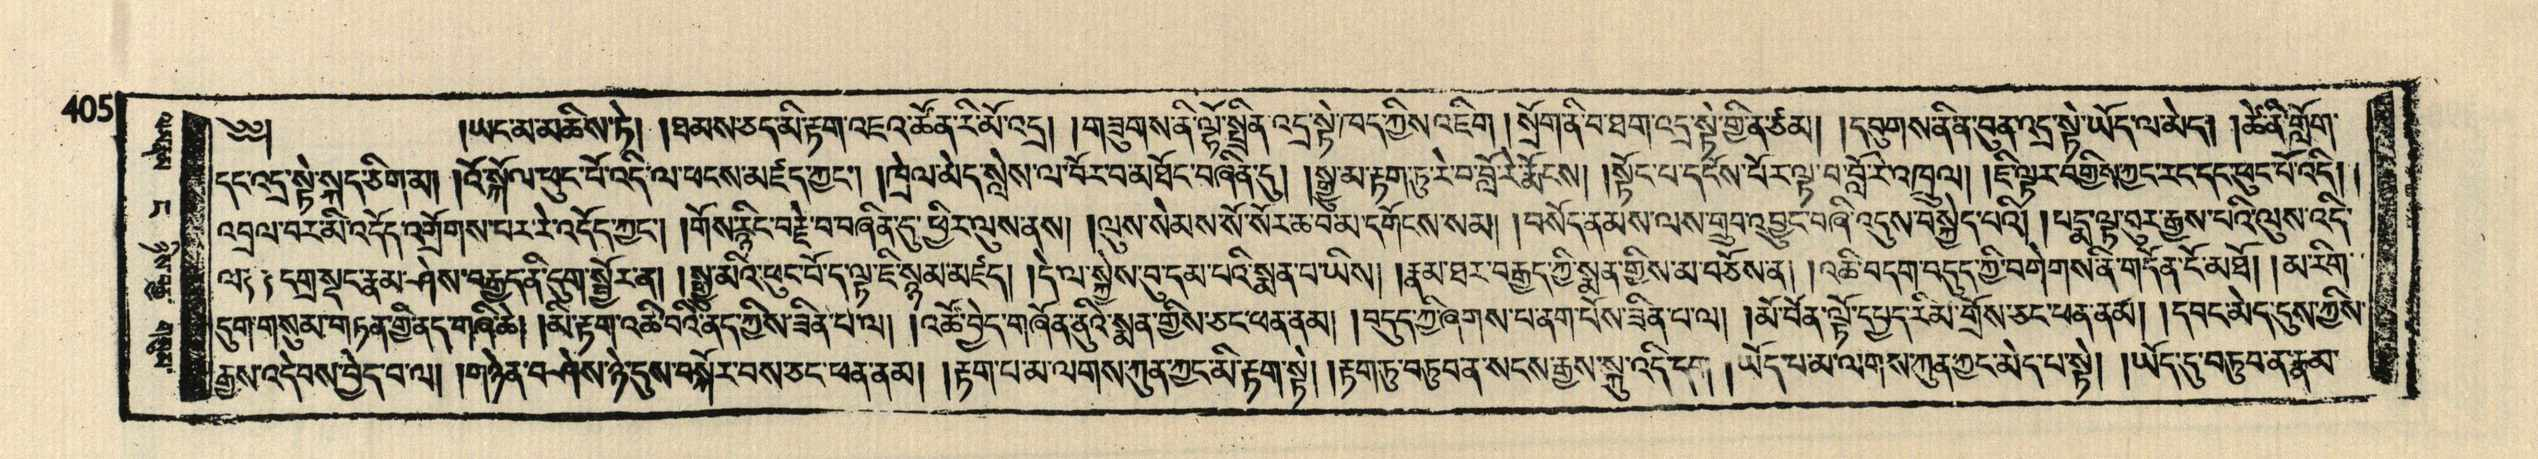༄༅། །ཡང་མ་མཆིས་ཏེ། །ཐམས་ཅད་མི་རྟག་འཇའ་ཚོན་རི་མོ་འདྲ། །གཟུགས་ནི་ལྷོ་སྤྲིན་འདྲ་སྟེ་ཁད་ཀྱིས་འཇིག །སྲོག་ནི་བ་ཐག་འདྲ་སྟེ་གྱི་ན་ཙམ། །དབུགས་ནི་ན་བུན་འདྲ་སྟེ་ཡོད་ལ་མེད། །ཚེ་ནི་གློག་
དང་འདྲ་སྟེ་སྐད་ཅིག་མ། །འོ་སྐོལ་ཕུང་པོ་འདི་ལ་ཕངས་མཛད་ཀྱང་། །ཁྲེལ་མེད་སླེས་ལ་བོར་བ་མཐོང་བཞིན་དུ། །སྒྱུ་མ་རྟག་ཏུ་རེ་བ་བློ་རེ་རྨོངས། །སྟོང་པ་དངོས་པོར་ལྟ་བ་བློ་རེ་འཁྲུལ། །ཇི་ལྟར་བགྱིས་ཀྱང་རང་དང་ཕུང་པོ་འདི། །
འབྲལ་བར་མི་འདོད་འགྲོགས་པར་རེ་འདོད་ཀྱང་། །གོས་རྙིང་བརྗེ་བ་བཞིན་དུ་ཕྱིར་ལུས་ནས། །ལུས་སེམས་སོ་སོར་ཆ་བ་མ་དགོངས་སམ། །བསོད་ནམས་ལས་གྲུབ་འབྱུང་བཞི་འདུས་བསྐྱེད་པའི། །པདམ་ལྟ་བུར་རྒྱས་པའི་ལུས་འདི་
ལ༑ ༑དགྲ་སྡང་རྣམ་ཤེས་བརྒྱད་ནི་དུག་སྦྱོར་ན། །སྒྱུ་མའི་ཕུང་པོ་ད་ལྟ་ཇི་སྙམ་མཛད། །དེ་ལ་སྐྱེས་བུ་དམ་པའི་སྨན་པ་ཡིས། །རྣམ་ཐར་བརྒྱད་ཀྱི་སྨན་གྱིས་མ་བཅོས་ན། །འཆི་བདག་བདུད་ཀྱི་བགེགས་ནི་གདོན་ངོ་མཐོ། །མ་རིག་
དུག་གསུམ་གཏན་གྱི་ནད་གཞི་ཆེ། །མི་རྟག་འཆི་བའི་ནད་ཀྱིས་ཟིན་པ་ལ། །འཚོ་བྱེད་གཞོན་ནུའི་སྨན་གྱིས་ཅང་ཕན་ནམ། །བདུད་ཀྱི་ཞགས་པ་ནག་པོས་ཟིན་པ་ལ། །མོ་བོན་ལྟོ་དཔྱད་རིམ་གྲོས་ཅང་ཕན་ནམ། །དབང་མེད་དུས་ཀྱིས་
རྒྱས་འདེབས་བྱེད་བ་ལ། །གཉེན་བཤེས་ཉེ་དུས་བསྐོར་བས་ཅང་ཕན་ནམ། །རྟག་པ་མ་ལགས་ཀུན་ཀྱང་མི་རྟག་སྟེ། །རྟག་ཏུ་བཏུབ་ན་སངས་རྒྱས་སྐུ་འདི་དག །ཡོད་པ་མ་ལགས་ཀུན་ཀྱང་མེད་པ་སྟེ། །ཡོད་དུ་བཏུབ་ན་རྣམ་